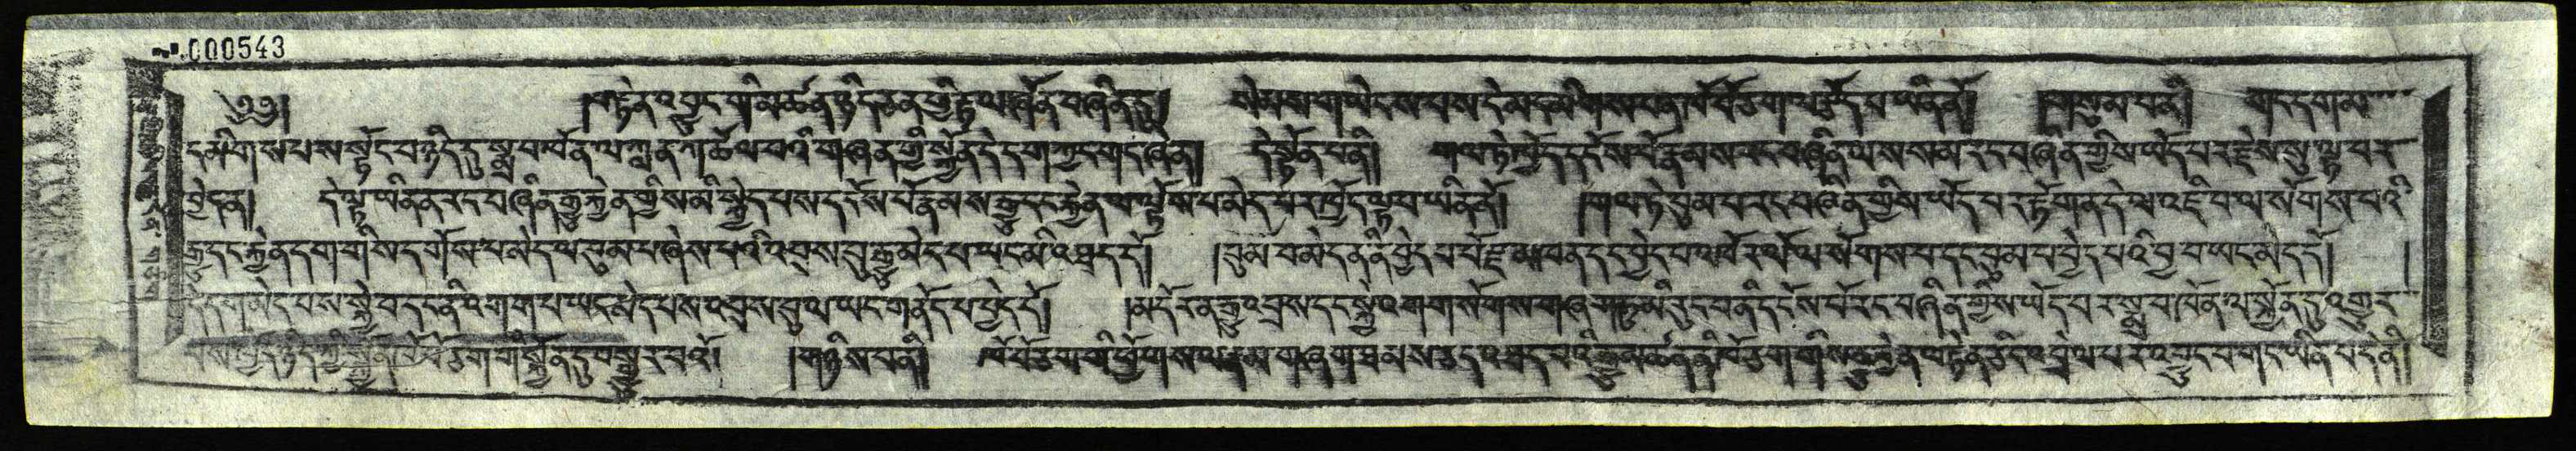༄༅། །བརྟེན་འབྱུང་གི་མཚན་ཉིད་ཅན་གྱི་རྟ་ལ་ཞོན་བཞིན་དུ། སེམས་གཡེངས་པས་དེ་མ་དམིགས་པ་ན་ཁོ་བོ་ཅག་ལ་རྩོད་པ་ཡིན་ནོ། །གསུམ་པ་ནི། གང་དག་མ་
དམིགས་པས་སྟོང་པ་ཉིད་དུ་སྨྲ་བ་ཁོ་ན་ལ་ཀླན་ཀ་ཚོལ་བའི་གཞན་གྱི་སྐྱོན་དེ་དག་ཀྱང་གང་ཞེ་ན། དེ་སྟོན་པ་ནི། གལ་ཏེ་ཁྱོད་དངོས་པོ་རྣམས་རང་བཞིན་ལས་སམ་རང་བཞིན་གྱིས་ཡོད་པར་རྗེས་སུ་ལྷ་བར་
བྱེད་ན། དེ་ལྟ་ཡིན་ན་རང་བཞིན་རྒྱུ་རྐྱེན་གྱིས་མི་སྐྱེད་པས་དངོས་པོ་རྣམས་རྒྱུ་དང་རྐྱེན་ལ་ལྟོས་པ་མེད་པར་ཁྱོད་ལྟ་བ་ཡིན་ནོ། །གལ་ཏེ་བུམ་པ་རང་བཞིན་གྱིས་ཡོད་པར་རྟོག་ན་དེ་ལ་འཇི་བ་ལ་སོགས་པའི་
རྒྱུ་དང་རྐྱེན་དག་གིས་དགོས་པ་མེད་ལ་བུམ་པ་ཞེས་པའི་འབྲས་བུ་རྒྱུ་མེད་པ་ཡང་མི་འཐད་དོ། །བུམ་པ་མེད་ན་ནི་བྱེད་པ་པོ་རྫ་མཁན་དང་བྱེད་པ་འཁོར་ལོ་ལ་སོགས་པ་དང་བུམ་པ་བྱེད་པའི་བྱ་བ་ཡང་མེད་དོ། །
དེ་དག་མེད་པས་སྐྱེ་བ་དང་ནི་འགག་པ་ཡང་མེད་པས་འབྲས་བུ་ལ་ཡང་གནོད་པ་བྱེད་དོ། །མདོར་ན་རྒྱུ་འབྲས་དང་སྐྱེ་འགག་སོགས་གཞག་ཏུ་མི་རུང་བ་ནི་དངོས་པོ་རང་བཞིན་གྱིས་ཡོད་པར་སྨྲ་བ་ཁོ་ན་ལ་སྐྱོན་དུ་འགྱུར་
བས་ཁྱོད་ཉིད་ཀྱི་སྐྱོན་ཁོ་བོ་ཅག་གི་སྐྱོན་དུ་བསྒྱུར་བའོ། །གཉིས་པ་ནི། ཁོ་བོ་ཅག་གི་ཕྱོགས་ལ་རྣམ་གཞག་ཐམས་ཅད་འཐད་པའི་རྒྱུ་མཚན་ནི་ཁོ་ཅག་གིས་རྒྱུ་རྐྱེན་ལ་རྟེན་ཅིང་འབྲེལ་པར་འབྱུང་བ་གང་ཡིན་པ་དེ་ནི།